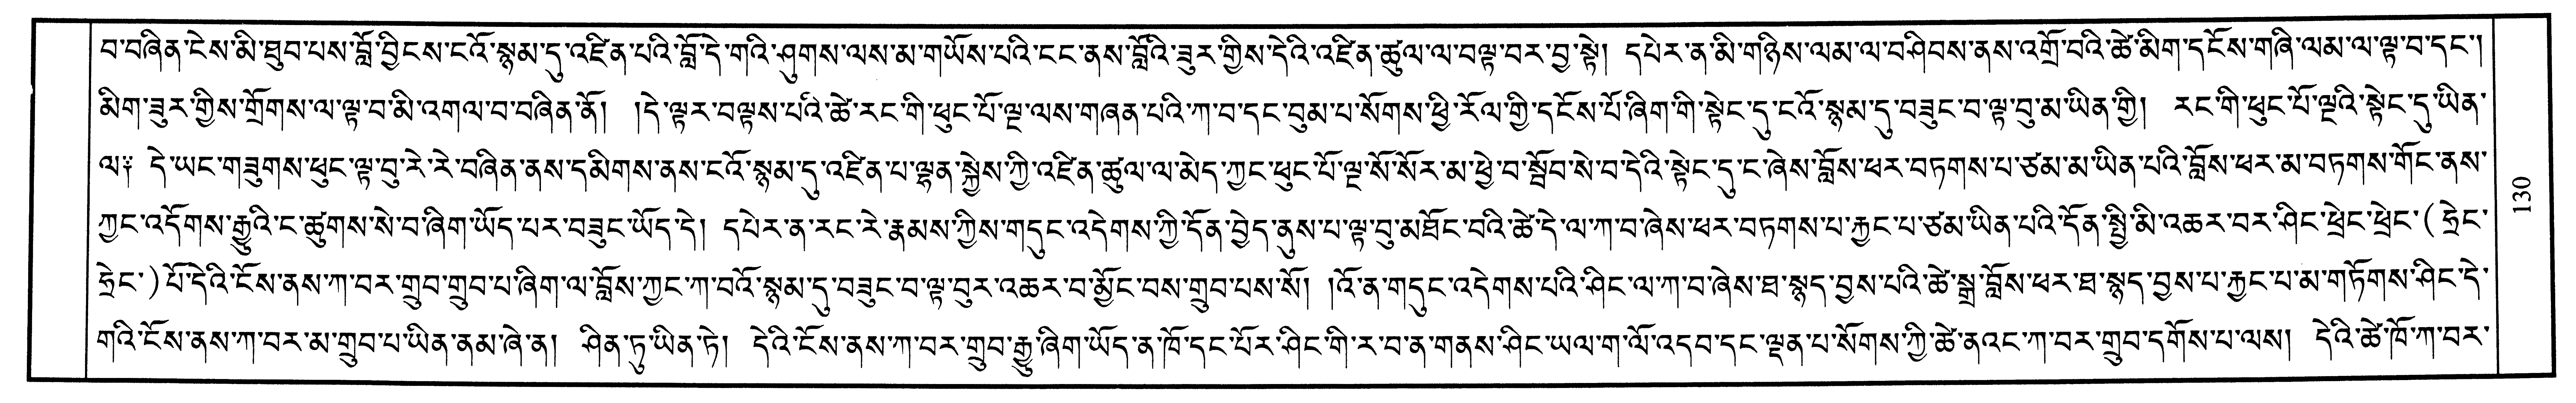བ་བཞིན་ངེས་མི་ཐུབ་པས་བློ་བྱིངས་ངའོ་སྙམ་དུ་འཛིན་པའི་བློ་དེ་གའི་ཤུགས་ལས་མ་གཡོས་པའི་ངང་ནས་བློའི་ཟུར་གྱིས་དེའི་འཛིན་ཚུལ་ལ་བལྟ་བར་བྱ་སྟེ། དཔེར་ན་མི་གཉིས་ལམ་ལ་བཤིབས་ནས་འགྲོ་བའི་ཚེ་མིག་དངོས་གཞི་ལམ་ལ་ལྟ་བ་དང་།
མིག་ཟུར་གྱིས་གྲོགས་ལ་ལྟ་བ་མི་འགལ་བ་བཞིན་ནོ། །དེ་ལྟར་བལྟས་པའི་ཚེ་རང་གི་ཕུང་པོ་ལྔ་ལས་གཞན་པའི་ཀ་བ་དང་བུམ་པ་སོགས་ཕྱི་རོལ་གྱི་དངོས་པོ་ཞིག་གི་སྟེང་དུ་ངའོ་སྙམ་དུ་བཟུང་བ་ལྟ་བུ་མ་ཡིན་གྱི། རང་གི་ཕུང་པོ་ལྔའི་སྟེང་དུ་ཡིན་
ལ༑ དེ་ཡང་གཟུགས་ཕུང་ལྟ་བུ་རེ་རེ་བཞིན་ནས་དམིགས་ནས་ངའོ་སྙམ་དུ་འཛིན་པ་ལྷན་སྐྱེས་ཀྱི་འཛིན་ཚུལ་ལ་མེད་ཀྱང་ཕུང་པོ་ལྔ་སོ་སོར་མ་ཕྱེ་བ་སྦོབ་སེ་བ་དེའི་སྟེང་དུ་ང་ཞེས་བློས་ཕར་བཏགས་པ་ཙམ་མ་ཡིན་པའི་བློས་ཕར་མ་བཏགས་གོང་ནས་
ཀྱང་འདོགས་རྒྱུའི་ང་ཚུགས་སེ་བ་ཞིག་ཡོད་པར་བཟུང་ཡོད་དེ། དཔེར་ན་རང་རེ་རྣམས་ཀྱིས་གདུང་འདེགས་ཀྱི་དོན་བྱེད་ནུས་པ་ལྟ་བུ་མཐོང་བའི་ཚེ་དེ་ལ་ཀ་བ་ཞེས་ཕར་བཏགས་པ་རྐྱང་པ་ཙམ་ཡིན་པའི་དོན་སྤྱི་མི་འཆར་བར་ཤིང་ཕྲེང་ཕྲེང་ཧྲེང་
ཧྲེང་པོ་དེའི་ངོས་ནས་ཀ་བར་གྲུབ་གྲུབ་པ་ཞིག་ལ་བློས་ཀྱང་ཀ་བའོ་སྙམ་དུ་བཟུང་བ་ལྟ་བུར་འཆར་བ་མྱོང་བས་གྲུབ་པས་སོ། །འོ་ན་གདུང་འདེགས་པའི་ཤིང་ལ་ཀ་བ་ཞེས་ཐ་སྙད་བྱས་པའི་ཚེ་སྒྲ་བློས་ཕར་ཐ་སྙད་བྱས་པ་རྐྱང་པ་མ་གཏོགས་ཤིང་དེ་
གའི་ངོས་ནས་ཀ་བར་མ་གྲུབ་པ་ཡིན་ནམ་ཞེ་ན། ཤིན་ཏུ་ཡིན་ཏེ། དེའི་ངོས་ནས་ཀ་བར་གྲུབ་རྒྱུ་ཞིག་ཡོད་ན་ཁོ་དང་པོར་ཤིང་གི་ར་བ་ན་གནས་ཤིང་ཡལ་ག་ལོ་འདབ་དང་ལྡན་པ་སོགས་ཀྱི་ཚེ་ནའང་ཀ་བར་གྲུབ་དགོས་པ་ལས། དེའི་ཚེ་ཁོ་ཀ་བར་